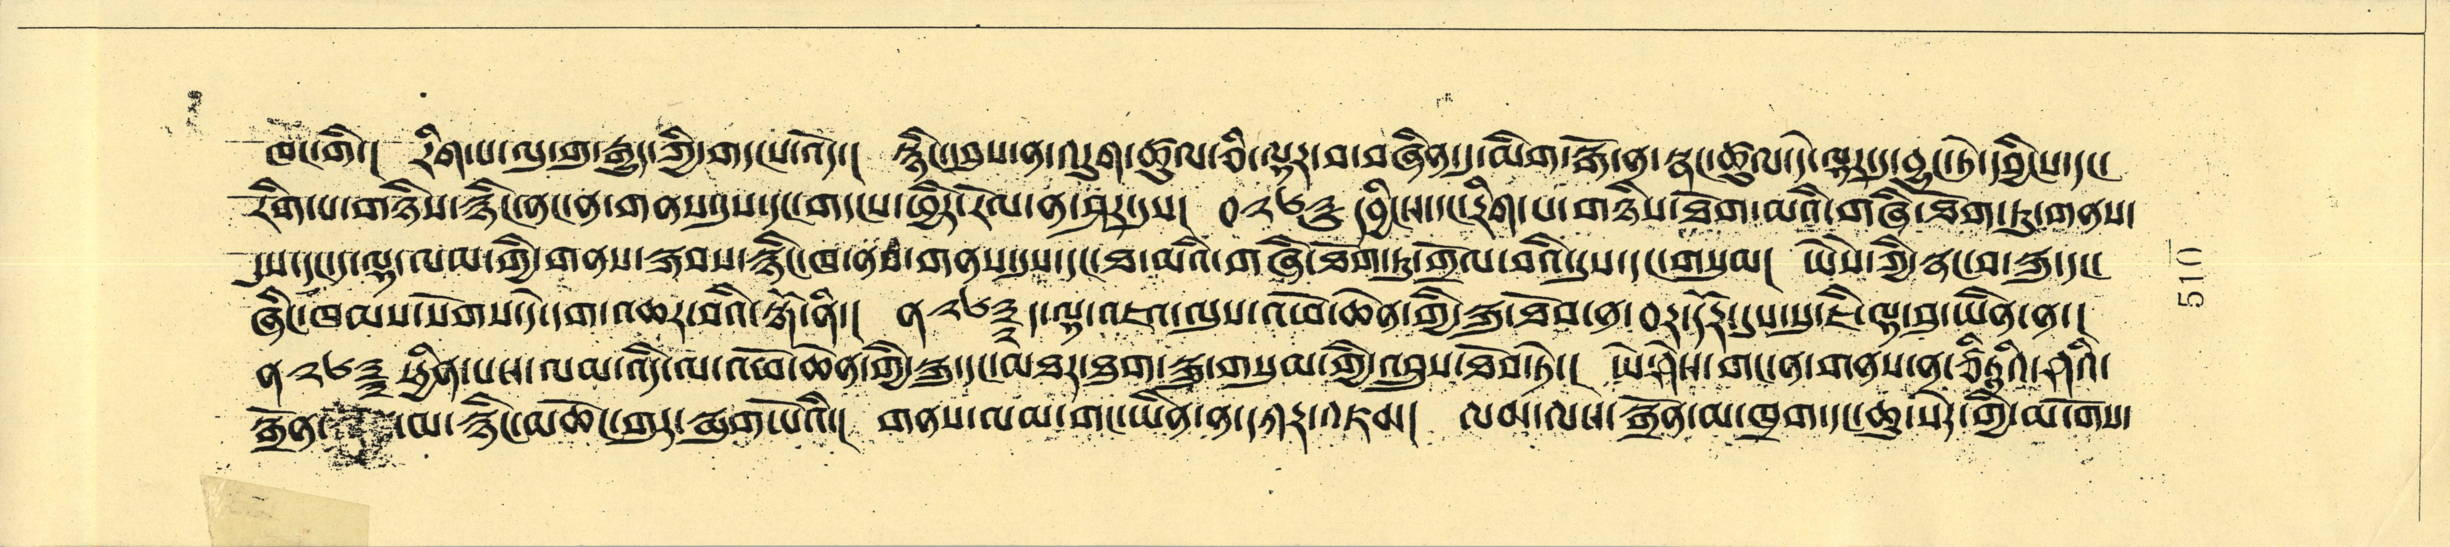ཁང་གི་༼རིག་པ༽ལུ་གུ་རྒྱུད་ཀྱི་གདངས་འོད་སྙིང་དབུས་ན་༼འདུག་ཚུལ་ཅི་ལྟ༽བ་བཞིན་དུ་མིག་སྒོ་ན་སྣང་ཚུལ་དེ་ལྟར་དུ་བྱུང་སྟེ་དབྱིངས་དང་
རིག་པ་གཉིས་སྙིང་ནང་ན་གནས་དུས་དང་གདངས་ཕྱིར་རོལ་ན་ཤར་དུས་བ༢༦༢།༦༼དབྱིངས༽དང་༼རིག་པ༽གཉིས་ཐོག་མའི་གཞི་ཐོག་ཏུ་གནས་
དུས་དང་ད་ལྟ་ལམ་གྱི་གནས་སྐབས་སྙིང་ཁ་ནས་གནས་དུས་དང་ཐ་མའི་གཞི་ཐོག་ཏུ་གྲོལ་བའི་དུས་དང་གསུམ། ཡེ་ཤེས་ཀྱི་སྣང་བ་སྐུ་དང་
ཞིང་ཁམས་སོགས་དེ་དག་༼འཆར་བའི་སྒོ་ནི༽ན༢༦༣།༢ད་ལྟ་འཇའ་ལུས་འཕོ་ཆེན་གྱི་སྐུ་ཐོབ་ན་༼བར་དོར༽དུས་སུ་ཇི་ལྟ་བུ་ཡིན་ན་།
ན༢༦༣།༣༼ཕྱིན་པས༽ལམ་འདི་ལ་འཕོ་ཆེན་གྱི་སྐུ་དང་མཐར་ཐུག་སྐུ་གསུམ་གྱི་འབྲས་བུ་ཐོབ་སྟེ།༼ཡེ་ཤེས༽གང་ན་གནས་པ་༼ཙིརྟའི་ཤའི༽
སྒྲོན་མ་སྙིང་མཆོང་གུར་སྨུག་པོའི་གནས་ལམ་གང་ཡིན་ན་༼དཀར་འཇམ༽༼ལམ་ལས༽སྒྲོན་མ་ཁྲག་དང་ཆུ་སེར་གྱིས་མ་གོས་